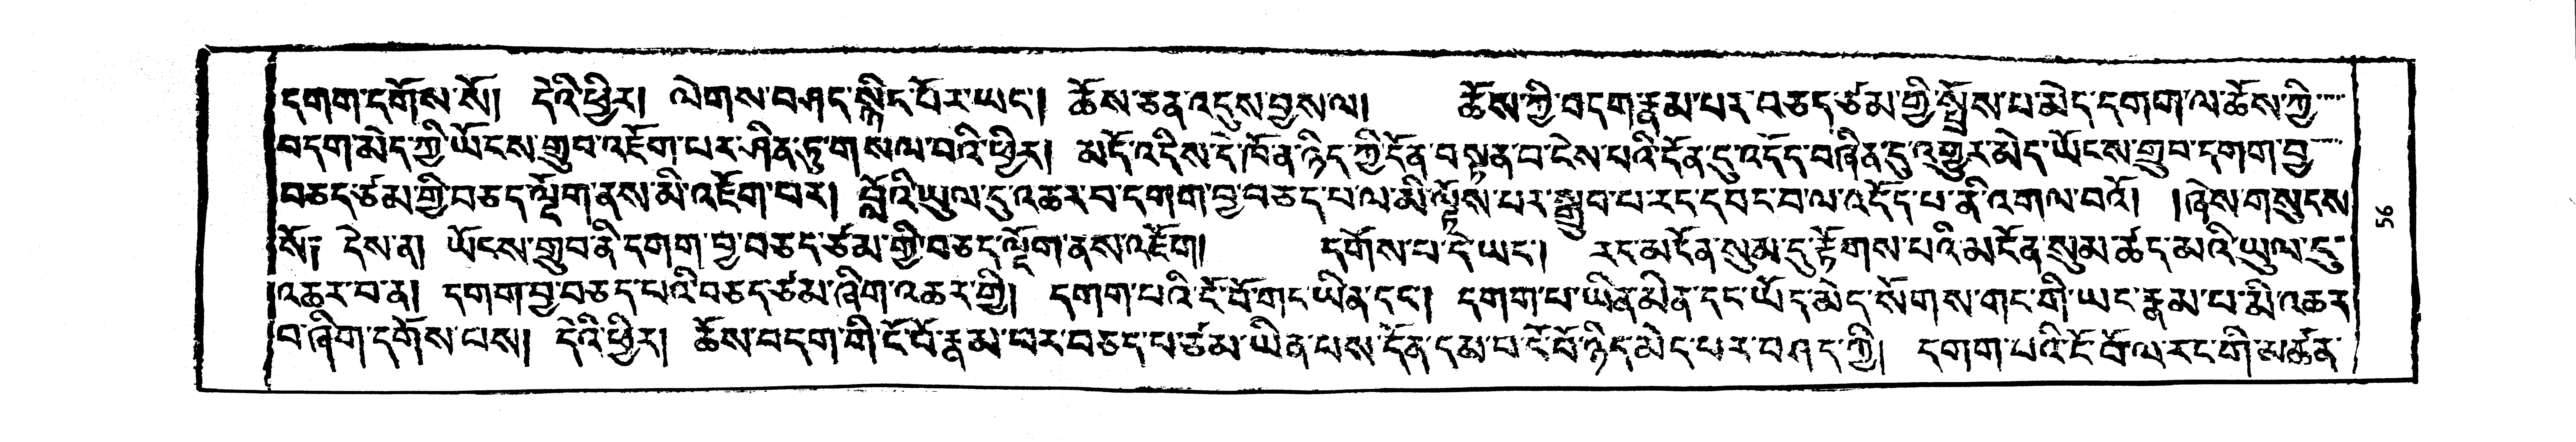དགག་དགོས་སོ། དེའི་ཕྱིར། ལེགས་བཤད་སྙིང་པོར་ཡང་། ཆོས་ཅན་འདུས་བྱས་ལ། ཆོས་ཀྱི་བདག་རྣམ་པར་བཅད་ཙམ་གྱི་སྤྲོས་པ་མེད་དགག་ལ་ཆོས་ཀྱི་
བདག་མེད་ཀྱི་ཡོངས་གྲུབ་འཇོག་པར་ཤིན་ཏུ་གསལ་བའི་ཕྱིར། མདོ་འདིས་དེ་ཁོ་ན་ཉིད་ཀྱི་དོན་བསྟན་པ་ངེས་པའི་དོན་དུ་འདོད་བཞིན་དུ་འགྱུར་མེད་ཡོངས་གྲུབ་དགག་བྱ་
བཅད་ཙམ་གྱི་བཅད་ལྡོག་ནས་མི་འཇོག་པར། བློའི་ཡུལ་དུ་འཆར་བ་དགག་བྱ་བཅད་པ་ལ་མི་ལྟོས་པར་སྒྲུབ་པ་རང་དབང་བ་ལ་འདོད་པ་ནི་འགལ་བའོ། །ཞེས་གསུངས་
སོ། དེས་ན། ཡོངས་གྲུབ་ནི་དགག་བྱ་བཅད་ཙམ་གྱི་བཅད་ལྡོག་ནས་འཇོག །དགོས་པ་དེ་ཡང་། རང་མངོན་སུམ་དུ་རྟོགས་པའི་མངོན་སུམ་ཚད་མའི་ཡུལ་དུ་
འཆར་བ་ན། དགག་བྱ་བཅད་པའི་བཅད་ཙམ་ཞིག་འཆར་གྱི། དགག་པའི་ངོ་བོ་གང་ཡིན་དང་། དགག་པ་ཡིན་མིན་དང་ཡོད་མེད་སོགས་གང་གི་ཡང་རྣམ་པ་མི་འཆར་
བ་ཞིག་དགོས་པས། དེའི་ཕྱིར། ཆོས་བདག་གི་ངོ་བོ་རྣམ་པར་བཅད་པ་ཙམ་ཡིན་པས་དོན་དམ་པ་ངོ་བོ་ཉིད་མེད་པར་བཤད་ཀྱི། དགག་པའི་ངོ་བོ་ལ་རང་གི་མཚན་